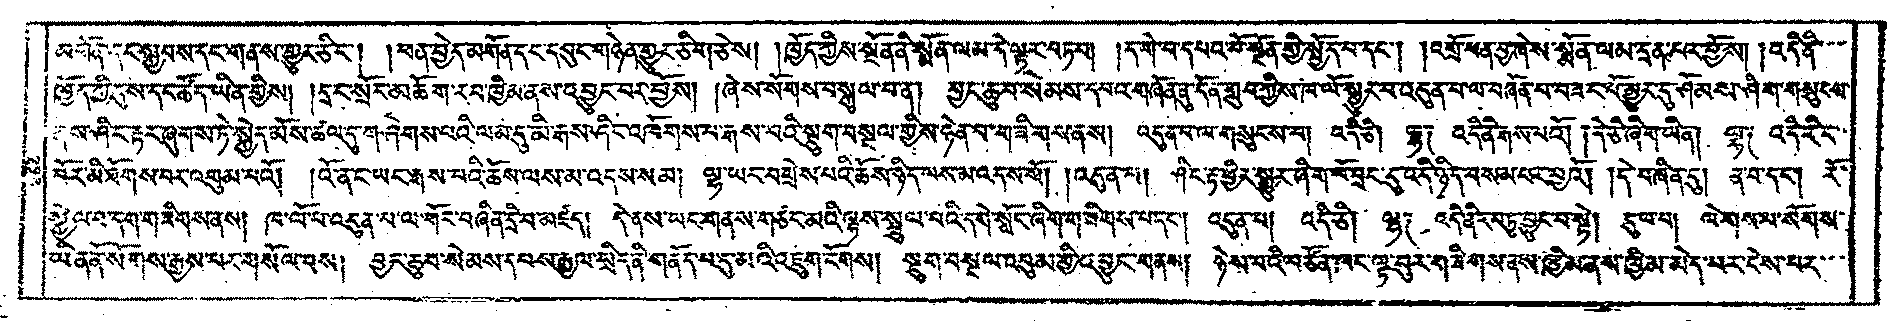མགོན་དང་སྐྱབས་དང་གནས་གྱུར་ཅིང་། །ཕན་བྱེད་མགོན་དང་དཔུང་གཉེན་གྱུར་ཅིག་ཅེས། །ཁྱོད་ཀྱིས་སྔོན་ནི་སྨོན་ལམ་དེ་ལྟར་བཏབ། །དགེ་བ་དཔའ་བོ་སྔོན་གྱི་སྤྱོད་པ་དང་། །འགྲོ་ཕན་བྱ་ཞེས་སྨོན་ལམ་དྲན་པར་བྱོས། །འདི་ནི་
ཁྱོད་ཀྱི་དུས་དང་ཚོད་ཡིན་གྱིས། །དྲང་སྲོང་མཆོག་རབ་ཁྱིམ་ནས་འབྱུང་བར་བྱོས། །ཞེས་སོགས་བསྐུལ་བ་ན། བྱང་ཆུབ་སེམས་དཔའ་གཞོན་ནུ་དོན་གྲུབ་ཀྱིས་ཁ་ལོ་སྒྱུར་བ་འདུན་པ་ལ་བཞོན་པ་བཟང་པོ་མྱུར་དུ་ཤོམས་ཤིག་གསུངས་
ནས་ཤིང་རྟར་ཞུགས་ཏེ་སྐྱེད་མོས་ཚལ་དུ་གཤེགས་པའི་ལམ་དུ་མི་རྒས་ཤིང་འཁོགས་པ་རྒས་པའི་སྡུག་བསྔལ་གྱིས་ཉེན་པ་གཟིགས་ནས། འདུན་པ་ལ་གསུངས་པ། འདི་ཅི། ལྷ༑ འདི་ནི་རྒས་པའོ། །དེ་ཅི་ཞིག་ཡིན། ལྷ༑ འདི་རིང་
པོར་མི་ཐོགས་པར་འགུམ་པའོ། །འོ་ན་ང་ཡང་རྒས་པའི་ཆོས་ལས་མ་འདས་སམ། ལྷ་ཡང་བགྲེས་པའི་ཆོས་ཉིད་ལས་མ་འདས་སོ། །འདུན་པ། ཤིང་རྟ་ཕྱིར་སྒྱུར་ཞི་ག་ཕོ་བྲང་དུ་འདི་ཉིད་བསམ་པར་བྱའོ། །དེ་བཞིན་དུ། ན་བ་དང་། རོ་
སྐྱེལ་བ་དག་གཟིགས་ནས། ཁ་ལོ་པ་འདུན་པ་ལ་གོང་བཞིན་དྲི་བ་མཛད། དེ་ནས་ཡང་གནས་གཙང་མའི་ལྷས་སྤྲུལ་པའི་དགེ་སློང་ཞིག་གཟིགས་པ་དང་། འདུན་པ། འདི་ཅི། ལྷ༑ འདི་ནི་རབ་ཏུ་བྱུང་བ་སྟེ། དུ་ལ་བ། ལེགས་པ་སོགས་
ཡིན་ནོ་སོགས་རྒྱས་པར་གསོལ་བས། བྱང་ཆུབ་སེམས་དཔས་རྒྱལ་སྲིད་ནི་གནོད་པ་དུ་མའི་འཇུག་ངོགས། སྡུག་བསྔལ་འབུམ་གྱི་འབྱུང་གནས། ཉེས་པའི་བཙོན་ཁང་ལྟ་བུར་གཟིགས་ནས་ཁྱིམ་ནས་ཁྱིམ་མེད་པར་ངེས་པར་